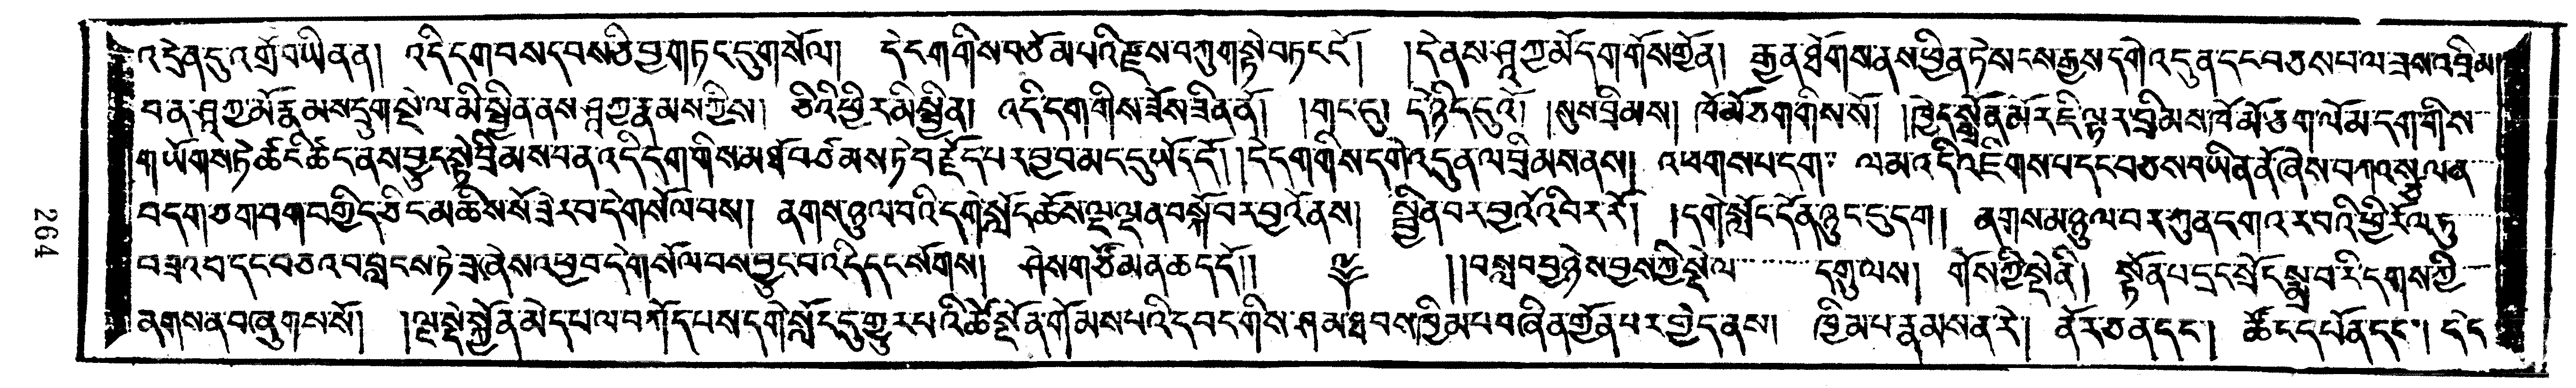འདྲེན་དུ་འགྲོ་བ་ཡིན་ན། འདི་དག་བསད་པས་ཅི་བྱ་གཏང་དུ་གསོལ། དེ་དག་གིས་བཅོམ་པའི་རྫས་བཀུག་སྟེ་བཏང་ངོ། །དེ་ནས་ཤཱཀྱ་མོ་དག་གོས་གྱོན། རྒྱན་ཐོགས་ནས་ཕྱིན་ཏེ་སངས་རྒྱས་དགེ་འདུན་དང་བཅས་པ་ལ་ཟས་འབྲིམ་
བ་ན་ཤཱཀྱ་མོ་རྣམས་དྲུག་སྡེ་ལ་མི་སྦྱིན་ནས་ཤཱཀྱ་རྣམས་ཀྱིས། ཅིའི་ཕྱིར་མི་སྦྱིན། འདི་དག་གིས་ཟོས་ཟིན་ནོ། །གང་དུ། དེ་ཉིད་དུའོ། །སུས་བྲིམས། ཁོ་མོ་ཅག་གིས་སོ། །ཁྱེད་སྒྲོན་མོར་ཇི་ལྟར་བྲིམས་ཁོ་མོ་ཅག་ལོ་མ་དག་གིས་
གཡོགས་ཏེ་ཚང་ཚིང་ནས་བྱུང་སྟེ་བྲིམས་པ་ན་འདི་དག་གིས་མཐོ་བ་ཙམས་ཏེ་བརྗོད་པར་བྱ་བ་མང་དུ་ཡོད་དོ། །དེ་དག་གིས་དགེ་འདུན་ལ་བྲིམས་ནས། འཕགས་པ་དག་ལམ་འདི་འཇིགས་པ་དང་བཅས་པ་ཡིན་ནོ་ཞེས་བཀའ་སྩལ་ན་
བདག་ཅག་བག་བགྱིད་ཅིང་མཆིས་སོ་ཟེར་བ་དེ་གསོལ་བས། ནགས་ཉུལ་བའི་དགེ་སློང་ཆོས་ལྔ་ལྡན་བསྐོ་བར་བྱའོ་ནས། སྦྱིན་པར་བྱའོའི་བར་རོ། །དགེ་སློང་དོན་ཉུང་ངུ་དག། ནགས་མ་ཉུལ་བར་ཀུན་དགའ་ར་བའི་ཕྱི་རོལ་ཏུ་
བཟའ་བ་དང་བཅའ་བ་བླངས་ཏེ་ཟ་ཞེས་འཕྱ་བ་དེ་གསོལ་བས་བྱུང་བ་འདི་དང་སོགས། ཤེས་གཙོ་མན་ཆད་དོ།། ༈ །།བསླབ་བྱ་ཉེས་བྱས་ཀྱི་སྡེ་ལ་དགུ་ལས། གོས་ཀྱི་སྡེ་ནི། སྟོན་པ་དྲང་སྲོང་སྨྲ་བ་རི་དགས་ཀྱི་
ནགས་ན་བཞུགས་སོ། །ལྔ་སྡེ་སྐྱོན་མེད་པ་ལ་བཀོད་པས་དགེ་སློང་དུ་གྱུར་པའི་ཚེ་སྔོན་གོམས་པའི་དབང་གིས་ཤམ་ཐབས་ཁྱིམ་པ་བཞིན་གྱོན་པར་བྱེད་ནས། ཁྱིམ་པ་རྣམས་ན་རེ། ནོར་ཅན་དང་། ཚོང་དཔོན་དང་། དེད་